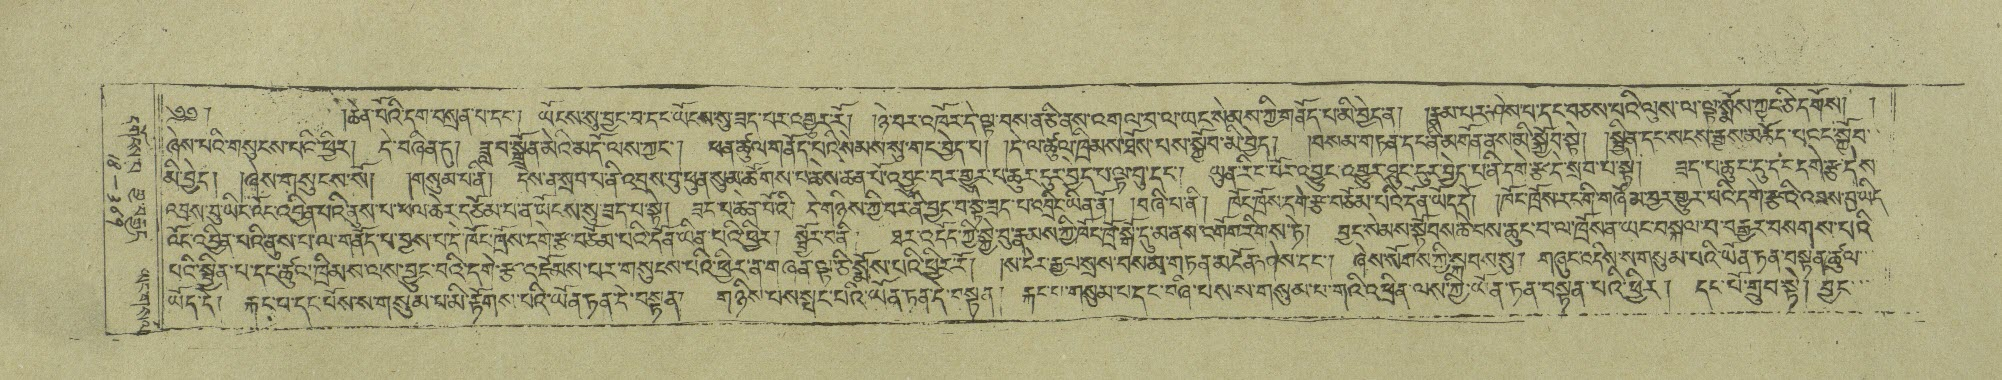༄༅། །བུ་ནི་ངས་མ་མཐོང་ཏེ། ཉེ་བར་འཁོར་དེས་དགེ་བའི་རྩ་བ་ཆེན་པོ་འདི་དག་བསྲབ་པ་དང་ཡོངས་སུ་བྱང་པ་དང་ཡོངས་སུ་ཟད་པར་འགྱུར་རོ། །ཉེ་བར་འཁོར་དེ་ལྟ་བས་ན་ཅི་ནས་འགལ་བ་ལ་ཡང་སེམས་ཀྱི་གནོད་པར་མི་བྱེད་ན། རྣམ་པར་ཤེས་པ་དང་བཅས་
པའི་ལུས་ལ་ལྟ་སྨོས་ཀྱང་ཅི་དགོས། ཞེས་གསུངས་པའི་ཕྱིར། དེ་བཞིན་དུ། ཟླ་བ་སྒྲོན་མེའི་མདོ་ལས་ཀྱང་། ཕན་ཚུན་གནོད་པའི་སེམས་སུ་གང་བྱེད་པ། །དེ་ལ་ཚུལ་ཁྲིམས་ཐོས་པས་སྐྱོབ་མི་བྱེད། །བསམ་གཏན་དང་ནི་དགོན་ནས་མི་སྐྱོབ་སྟེ། །སྦྱིན་དང་སངས་རྒྱས་
མཆོད་པའང་སྐྱོབ་མི་བྱེད། །ཞེས་གསུངས་པས་སོ། །གསུམ་པ་ནི། དེས་ན་སྲབ་པ་ནི་འབྲས་བུ་ཕུན་སུམ་ཚོགས་པ་ཆོས་ཆེན་པོ་འབྱུང་བར་གྱུར་པ་ཆུང་ངུར་བྱེད་པ་ལྟ་བུ་དང་། ཡུན་རིང་པོར་འབྱུང་འགྱུར་ཐུང་དུར་བྱེད་པ་ལྟ་བུ་ནི་དགེ་རྩ་དེ་སྲབ་པ་སྟེ། ཟད་པ་ཆུང་ངུ་དང་། དགེ་
རྩ་དེས་འབྲས་བུ་ཡིད་འོང་འབྱིན་པའི་ནུས་པ་ཕལ་ཆེར་བཅོམ་པ་ནི་ཡོངས་སུ་ཟད་པ་སྟེ། ཟད་པ་ཆེན་པོའི། །དེ་གཉིས་ཀྱི་བར་ནི་བྱང་བ་སྟེ་ཟད་པ་འབྲིང་ཡིན་ནོ། །བཞི་པ་ནི། ཁོང་ཁྲོས་དགེ་རྩ་བཅོམ་པའི་དོན་ཡོད་དེ། ཁོང་ཁྲོས་རང་གི་གཞོམ་བྱར་གྱུར་པའི་དགེ་རྩའི་འབྲས་བུ་
ཡིད་འོང་འབྱིན་པའི་ནུས་པ་ལ་གནོད་པ་བྱས་པ་དེ་ཁོང་ཁྲོས་དགེ་རྩ་བཅོམ་པའི་དོན་ཡིན་པའི་ཕྱིར། སྦྱོར་བ་ནི་ཐར་འདོད་ཀྱི་སྐྱེས་བུ་རྣམས་ཀྱི་ཁོང་ཁྲོ་སྒོ་དུ་མ་ནས་འགོག་རིགས་ཏེ། བྱང་སེམས་སྟོབས་པ་ཆེ་བས་ཆུང་བ་ལ་ཁྲོས་ན་ཡང་བསྐལ་པ་བརྒྱར་བསགས་པའི་སྦྱིན་བ་དང་
ཚུལ་ཁྲིམས་ལས་བྱུང་བའི་དགེ་རྩ་འཇོམས་པར་གསུངས་པའི་ཕྱིར་ན་གཞན་ལྟ་ཅི་སྨོས་པའི་ཕྱིར་རོ། །ས་དེར་རྒྱལ་སྲས་བསམ་གཏན་མངོན་ཤེས་དང་། ཞེས་སོགས་ཀྱི་སྐབས་སུ། གཞུང་འདིས་ས་གསུམ་པའི་ཡོན་ཏན་བསྟན་ཚུལ་ཡོད་དེ། རྐང་པ་དང་པོས་ས་
གསུམ་པ་བའི་རྟོགས་པའི་ཡོན་ཏན་དེ་བསྟན། གཉིས་པས་སྤངས་པའི་ཡོན་ཏན་དེ་བསྟན། རྐང་པ་གསུམ་དང་བཞི་པས་ས་གསུམ་པ་བའི་འཕྲིན་ལས་ཀྱི་ཡོན་ཏན་བསྟན་པའི་ཕྱིར། དང་པོ་གྲུབ་སྟེ། བྱང་སེམས་ས་གསུམ་པ་བ་ལ་བཟོད་པའི་ཕར་ཕྱིན་ལྷག་པ་